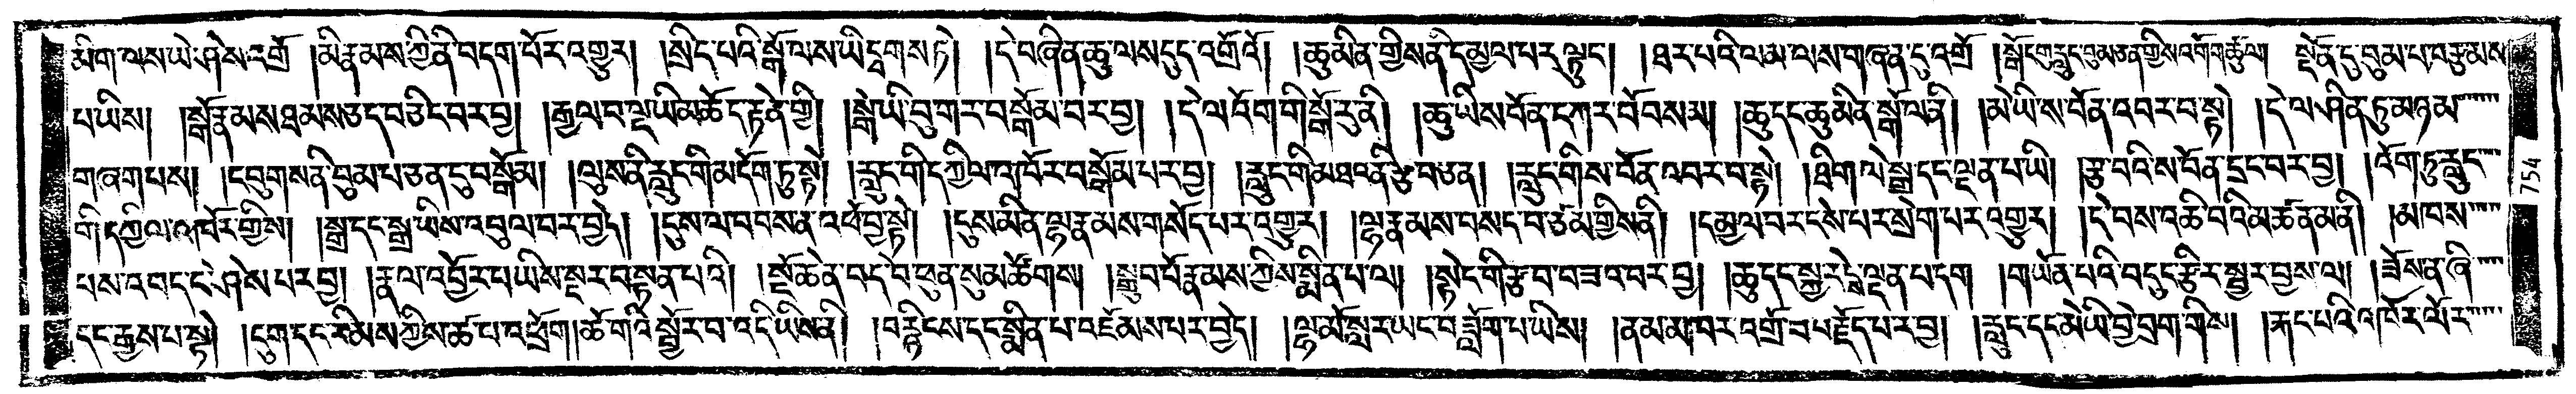མིག་ལས་ཡེ་ཤེས་འགྲོ་།མི་རྣམས་ཀྱི་ནི་བདག་པོར་འགྱུར། །སྲིད་པའི་སྒོ་ལས་ཡི་དྭགས་ཏེ། །དེ་བཞིན་ཆུ་ལས་དུད་འགྲོའོ། །ཆུ་མིན་གྱིས་ནི་དམྱལ་བར་ལྟུང་། །ཐར་པའི་ལམ་ལས་གཞན་དུ་འགྲོ་།སྒོ་དགུ་རླུང་བུམ་ཅན་གྱིས་འགོག་ཚུལ། སྔོན་དུ་བུམ་པ་བརྩམས་
པ་ཡིས། །སྒོ་རྣམས་ཐམས་ཅད་བཅིང་བར་བྱ། །རྒྱལ་བ་ལྔ་ཡི་མཆོད་རྟེན་གྱི། །སྒེ་ཡི་བུ་གར་བསྒོམ་བར་བྱ། །དེ་ལ་འོག་གི་སྒོ་རུ་ནི། །ཆུ་ཡི་ས་བོན་དཀར་བོ་བསམ། །ཆུ་དང་ཆུ་མིན་སྒོ་ལ་ནི། །མེ་ཡི་ས་བོན་འབར་བ་སྟེ། །དེ་ལ་ཤིན་ཏུ་མཉམ་
གཞག་པས། །དབུགས་ནི་བུམ་པ་ཅན་དུ་བསྒོམ། །ལུས་ནི་རླུང་གི་མདོག་ཏུ་སྟེ། །རླུང་གི་དཀྱིལ་འཁོར་བསྒོམ་པར་བྱ། །རླུང་གི་མཐའ་ནི་རྩ་བ་ཅན། །རླུང་གི་ས་བོན་འབར་བ་སྟེ། །ཐིག་ལེ་སྒྲ་དང་ལྡན་པ་ཡི། །རྩ་བའི་ས་བོན་དྲང་བར་བྱ། །འོག་ཏུ་རླུང་
གི་དཀྱིལ་འཁོར་གྱིས། །སྒྲ་དང་སྒྲ་ཡིས་འབུལ་བར་བྱེད། །དུས་ལ་བབས་ན་འཕོ་བྱ་སྟེ། །དུས་མིན་ལྷ་རྣམས་གསོད་པར་འགྱུར། །ལྷ་རྣམས་བསད་བ་ཙམ་གྱིས་ནི། །དམྱལ་བར་ངེས་པར་སྲེག་པར་འགྱུར། །དེ་བས་འཆི་བའི་མཚན་མ་ནི། །མཁས་
པས་འབད་དེ་ཤེས་པར་བྱ། །རྣལ་འབྱོར་པ་ཡིས་སྔར་བསྟན་པའི། །སྔོ་ཆེན་བདེ་བ་ཕུན་སུམ་ཚོགས། །སྒྲུབ་པོ་རྣམས་ཀྱིས་སྨིན་པ་ལ། །སྟེང་གི་རྩ་བ་བཟའ་བར་བྱ། །ཆུ་དང་སྐྱ་རེངས་ལྡན་པ་དག །གཡོན་པའི་བདུད་རྩིར་སྦྱར་བྱས་ལ། །ཟོས་ན་ཞི་
དང་རྒྱས་པ་སྟེ། །དུག་དང་རིམས་ཀྱིས་ཚ་པ་འཕྲོག །ཆོ་གའི་སྦྱོར་བ་འདི་ཡིས་ནི། །བརྙིངས་དང་སྨིན་པ་འཇོམས་པར་བྱེད། །ལྷ་མོ་སླར་ཡང་བཟློག་པ་ཡིས། །ནམ་མཁར་འགྲོ་བ་བརྗོད་པར་བྱ། །རླུང་དང་མེ་ཡི་བྱེ་བྲག་གིས། །རྐང་པའི་འཁོར་ལོར་